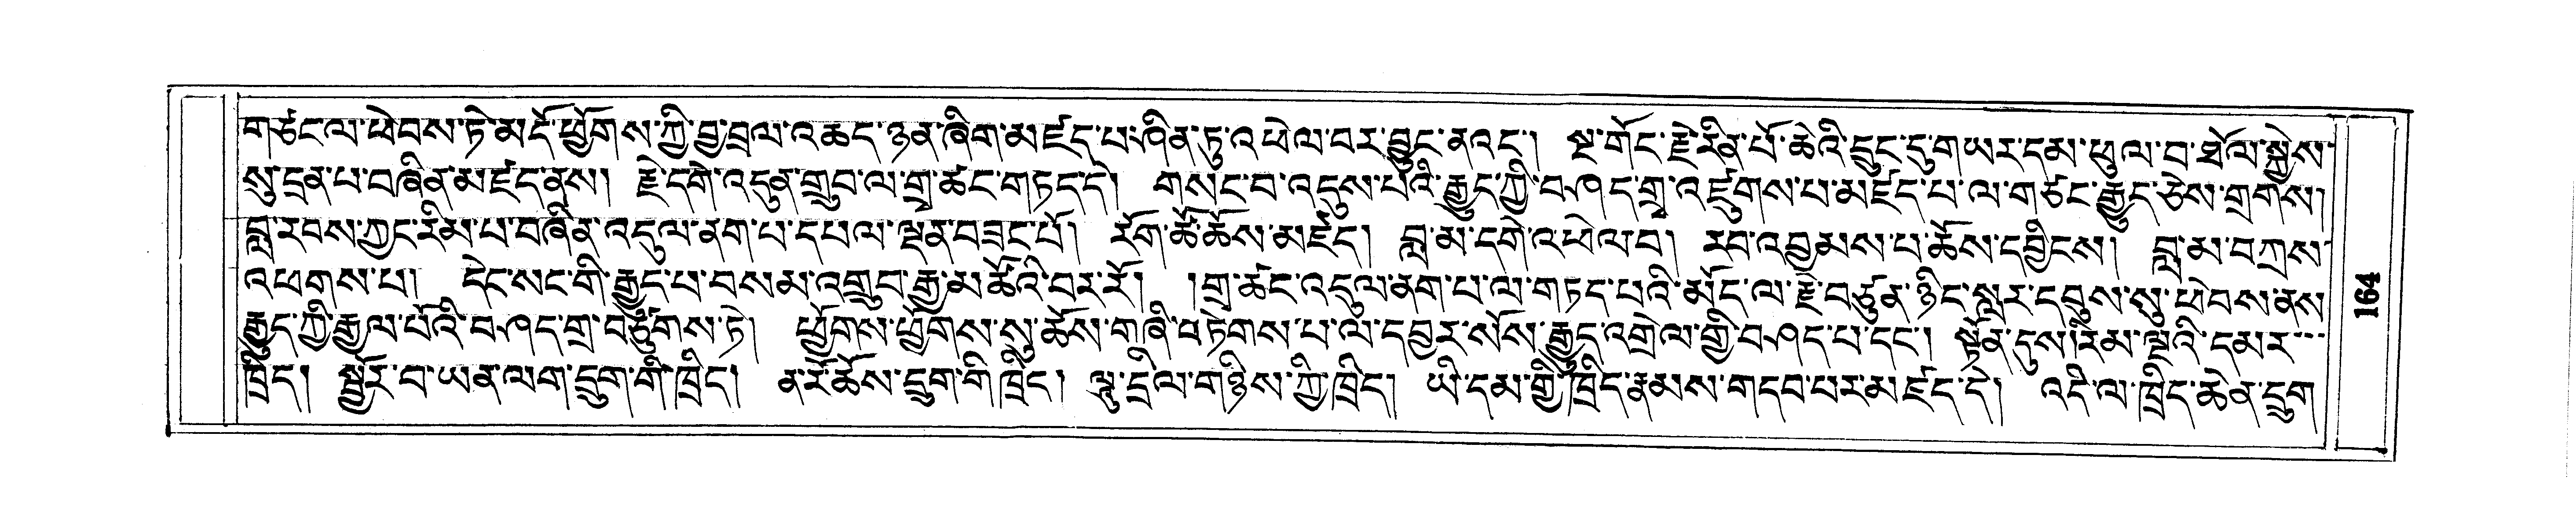གཙང་ལ་ཕེབས་ཏེ་མདོ་ཕྱོགས་ཀྱི་བྱ་བྲལ་འཆད་ཉན་ཞིག་མཛད་པ་ཤིན་ཏུ་འཕེལ་བར་བྱུང་ནའང་། སྔ་གོང་རྗེ་རིན་པོ་ཆེའི་དྲུང་དུ་གཡར་དམ་ཕུལ་བ་ཐོལ་སྐྱེས་
སུ་དྲན་པ་བཞིན་མཛད་ནས། རྗེ་དགེ་འདུན་གྲུབ་ལ་གྲྭ་ཚང་གཏད་དེ། གསང་བ་འདུས་པའི་རྒྱུད་ཀྱི་བཤད་གྲྭ་འཛུགས་པ་མཛད་པ་ལ་གཙང་རྒྱུད་ཅེས་གྲགས།
བླ་རབས་ཀྱང་རིམ་པ་བཞིན་འདུལ་ནག་པ་དཔལ་ལྡན་བཟང་པོ། རོག་ཚོ་ཆོས་མཛད། བླ་མ་དགེ་འཕེལ་བ། རབ་འབྱམས་པ་ཆོས་དབྱིངས། བླ་མ་བཀྲས་
འཕགས་པ། དེང་སང་གི་རྒྱུད་པ་བསམ་འགྲུབ་རྒྱ་མཚོའི་བར་རོ། །གྲྭ་ཚང་འདུལ་ནག་པ་ལ་གཏད་པའི་མདོ་ལ་རྗེ་བཙུན་ཉིད་སླར་དབུས་སུ་ཕེབས་ནས་
རྒྱུད་ཀྱི་རྒྱལ་པོའི་བཤད་གྲ་བཙུགས་ཏེ། ཕྱོགས་ཕྱོགས་སུ་ཆོས་གཞི་བཏེགས་པ་ལ་དབྱར་སོས་རྒྱུད་འགྲེལ་གྱི་བཤད་པ་དང་། སྟོན་དུས་རིམ་ལྔའི་དམར་
ཁྲིད། སྦྱོར་བ་ཡན་ལག་དྲུག་གི་ཁྲིད། ན་རོ་ཆོས་དྲུག་གི་ཁྲིད། ལཱུ་དྲིལ་གཉིས་ཀྱི་ཁྲིད། ཡི་དམ་གྱི་ཁྲིད་རྣམས་གདབ་པར་མཛད་དེ། འདི་ལ་ཁྲིད་ཆེན་དྲུག་